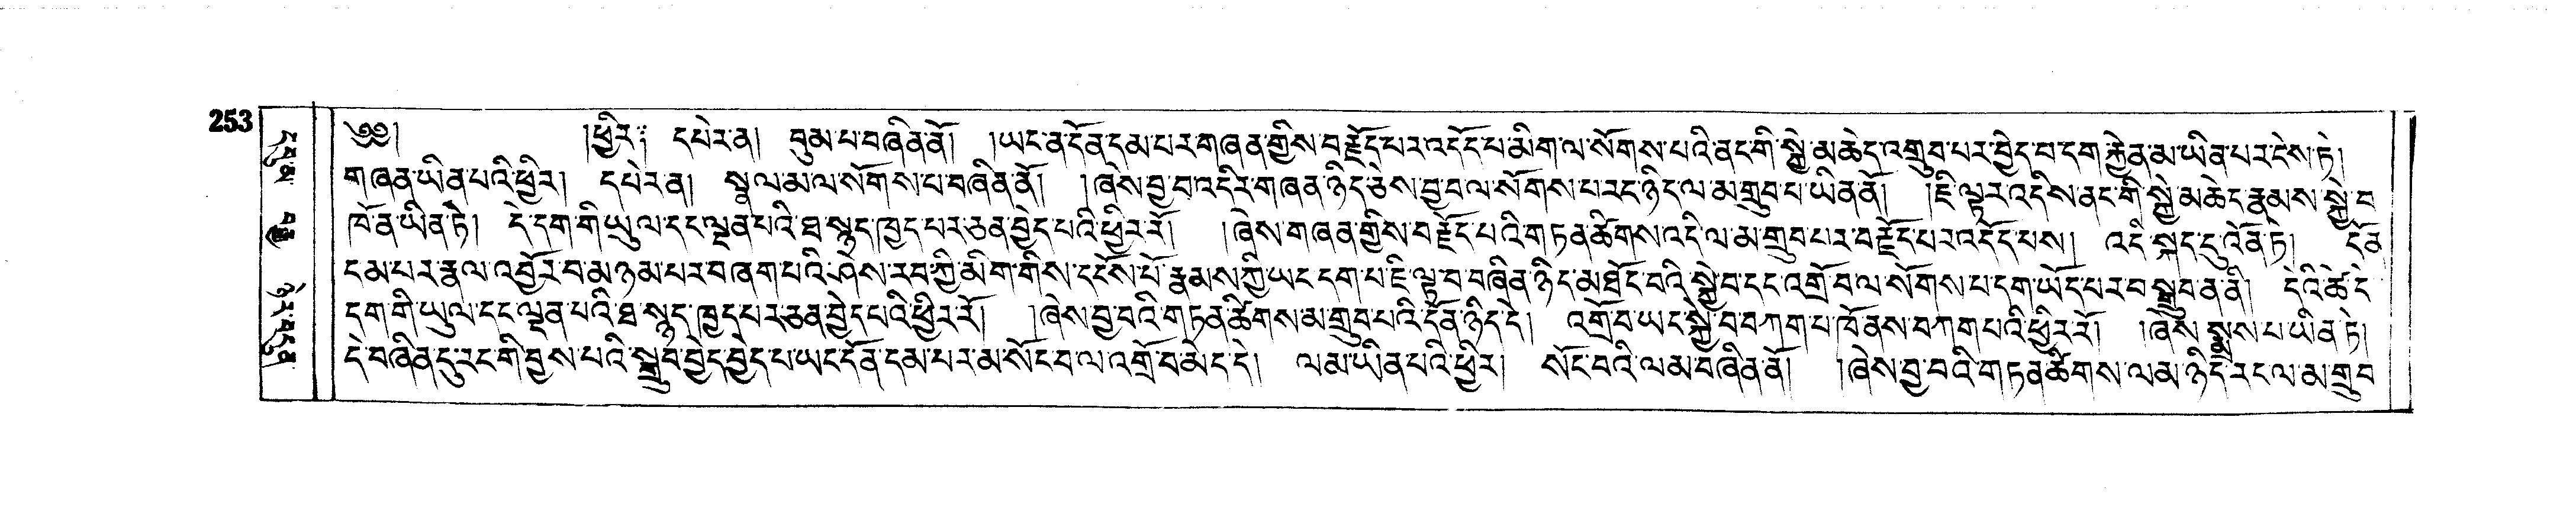༄༅། །ཕྱིར། དཔེར་ན། བུམ་པ་བཞིན་ནོ། །ཡང་ན་དོན་དམ་པར་གཞན་གྱིས་བརྗོད་པར་འདོད་པ་མིག་ལ་སོགས་པའི་ནང་གི་སྐྱེ་མཆེད་འགྲུབ་པར་བྱེད་པ་དག་རྐྱེན་མ་ཡིན་པར་ངེས་ཏེ།
གཞན་ཡིན་པའི་ཕྱིར། དཔེར་ན། སྣལ་མ་ལ་སོགས་པ་བཞིན་ནོ། །ཞེས་བྱ་བ་འདིར་གཞན་ཉིད་ཅེས་བྱ་བ་ལ་སོགས་པ་རང་ཉིད་ལ་མ་གྲུབ་པ་ཡིན་ནོ། །ཇི་ལྟར་འདིས་ནང་གི་སྐྱེ་མཆེད་རྣམས་སྐྱེ་བ་
ཁོ་ན་ཡིན་ཏེ། དེ་དག་གི་ཡུལ་དང་ལྡན་པའི་ཐ་སྙད་ཁྱད་པར་ཅན་བྱེད་པའི་ཕྱིར་རོ། །ཞེས་གཞན་གྱིས་བརྗོད་པའི་གཏན་ཚིགས་འདི་ལ་མ་གྲུབ་པར་བརྗོད་པར་འདོད་པས། འདི་སྐད་དུ་འོན་ཏེ། དོན་
དམ་པར་རྣལ་འབྱོར་བ་མཉམ་པར་བཞག་པའི་ཤེས་རབ་ཀྱི་མིག་གིས་དངོས་པོ་རྣམས་ཀྱི་ཡང་དག་པ་ཇི་ལྟ་བ་བཞིན་ཉིད་མཐོང་བའི་སྐྱེ་བ་དང་འགྲོ་བ་ལ་སོགས་པ་དག་ཡོད་པར་བསྒྲུབ་ན་ནི། དེའི་ཚེ་དེ་
དག་གི་ཡུལ་དང་ལྡན་པའི་ཐ་སྙད་ཁྱད་པར་ཅན་བྱེད་པའི་ཕྱིར་རོ། །ཞེས་བྱ་བའི་གཏན་ཚིགས་མ་གྲུབ་པའི་དོན་ཉིད་དེ། འགྲོ་བ་ཡང་སྐྱེ་བ་བཀག་པ་ཁོ་ནས་བཀག་པའི་ཕྱིར་རོ། །ཞེས་སྨྲས་པ་ཡིན་ཏེ།
དེ་བཞིན་དུ་རང་གི་བྱས་པའི་སྒྲུབ་བྱེད་བྱེད་པ་ཡང་དོན་དམ་པར་མ་སོང་བ་ལ་འགྲོ་བ་མེད་དེ། ལམ་ཡིན་པའི་ཕྱིར། སོང་བའི་ལམ་བཞིན་ནོ། །ཞེས་བྱ་བའི་གཏན་ཚིགས་ལམ་ཉིད་རང་ལ་མ་གྲུབ་